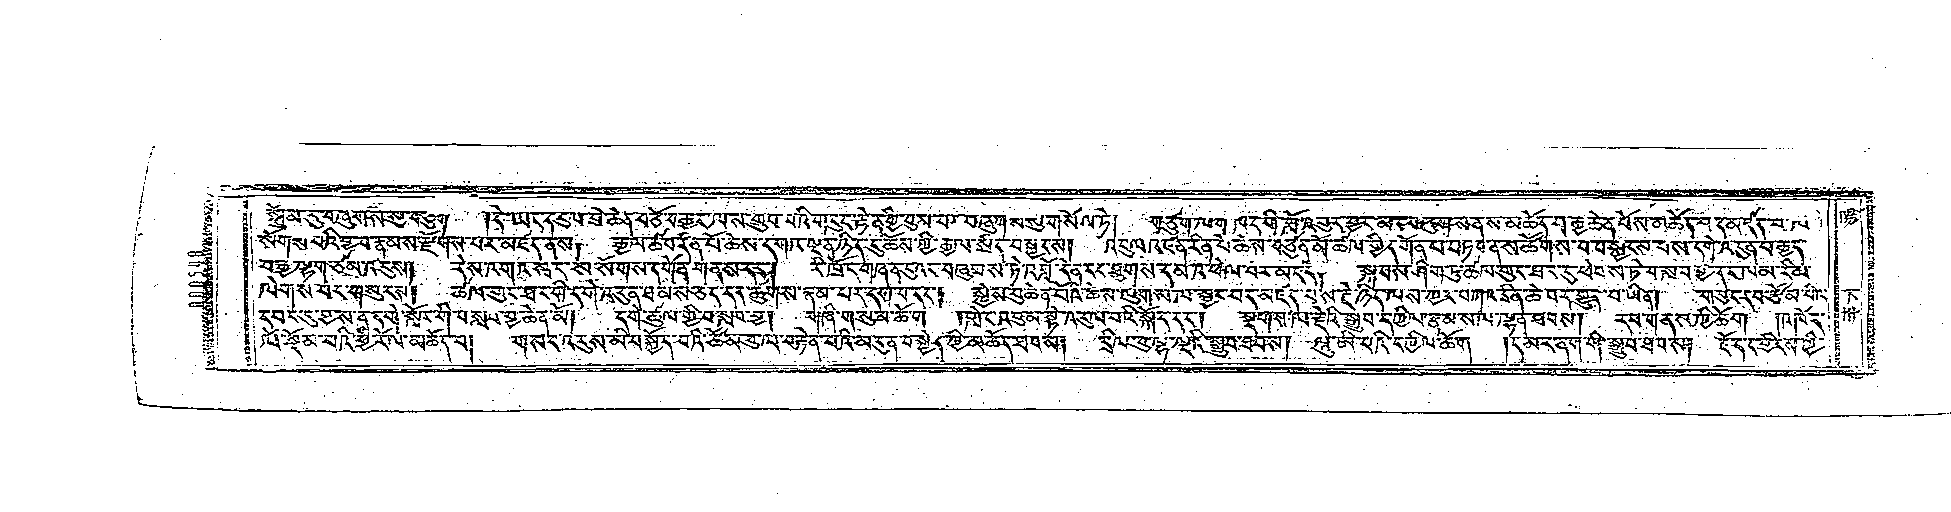སྒྲོམ་དུ་བཞུགས་སུ་བཅུག །དེ་ཡང་དངུལ་བྲེ་ཆེན་བཅོ་བརྒྱད་ལས་གྲུབ་པའི་གདུང་རྟེན་གྱི་བུམ་པར་བཞུགས་སུ་གསོལ་ཏེ། གཙུག་ལག་ཁང་གི་གློ་འབུར་བྱང་མར་བཞུགས་ནས་མཆོད་བ་རྒྱ་ཆེན་པོས་མཆོད་པར་མཛད་པ་ལ་
སོགས་པའི་བྱ་བ་རྣམས་རྫོགས་པར་མཛད་ནས། རྒྱལ་ཚབ་རིན་པོ་ཆེས་དགའ་ལྡན་ཉིད་དུ་ཆོས་ཀྱི་རྒྱལ་སྲིད་བསྐྱངས། འདུལ་འཛིན་རིན་པོ་ཆེས་བཙུན་མོ་ཚལ་གྱི་དགོན་པ་བཏབ་ནས་ཚོགས་པ་བསྐྱངས་པས་དགེ་འདུན་བརྒྱད་
བརྒྱ་ལྷག་ཙམ་འདུས། རེས་འགའ་སྤང་ས་སོགས་དགོན་གནས་དང་། རི་ཁྲོད་གཞན་དུའང་བཞུབས་ཏེ་འགློ་དེན་དང་ཐུགས་དམ་འཕེལ་བར་མཛད། སྐབས་ཤིག་ཏུ་ཚལ་གུང་ཐང་དུ་ཕེབས་ཏེ་བསླབ་བྱ་དང་ལམ་རིམ་
ལེགས་བར་གསུངས། ཚལ་གུང་ཐང་གི་དགེ་འདུན་ཐམས་ཅད་དད་ཚུགས་རྣམ་པར་དག་པ་དང་། སྐྱེས་བུ་ཆེན་པོའི་ཆོས་ལུགས་ལ་སྦྱང་བར་མཛད་པས་རྗེ་ཉིད་ལས་ཀྱང་བཀའ་དྲིན་ཆེ་བར་གྱུར་པ་ཡིན། གསུང་རབ་རྩོམ་པའི་
དབང་དུ་བྱས་ན་དགེ་སློང་གི་བསླབ་བྱ་ཆེན་མོ། དགེ་ཚུལ་གྱི་བསླབ་བྱ། གཞི་གསུམ་ཆོ་ག །གླེང་འབུམ་སྟེ་འདུལ་བའི་སྐོར་དང་། སྔགས་ལ་རྗེའི་སྒྲུབ་དཀྱིལ་རྣམས་ལ་ལྷན་ཐབས། རབ་གནས་ཀྱི་ཆོག །འཁོར་
ལོ་སྡོམ་པའི་ཕྱི་རོལ་མཆོད་པ། གསར་འདུས་མི་བསྐྱོད་བའི་ཚོམ་བུ་ལ་བརྟེན་པའི་མདུན་བསྐྱེད་ཀྱི་མཆོད་ཐབས། དྲིལ་བུ་ལྷ་ལྔའི་སྒྲུབ་ཐབས། ལཱུ་ཨི་པའི་དཀྱིལ་ཆོག །དམར་ནག་གི་སྒྲུབ་ཐབས། རྡོར་དབྱིངས་ཀྱི་